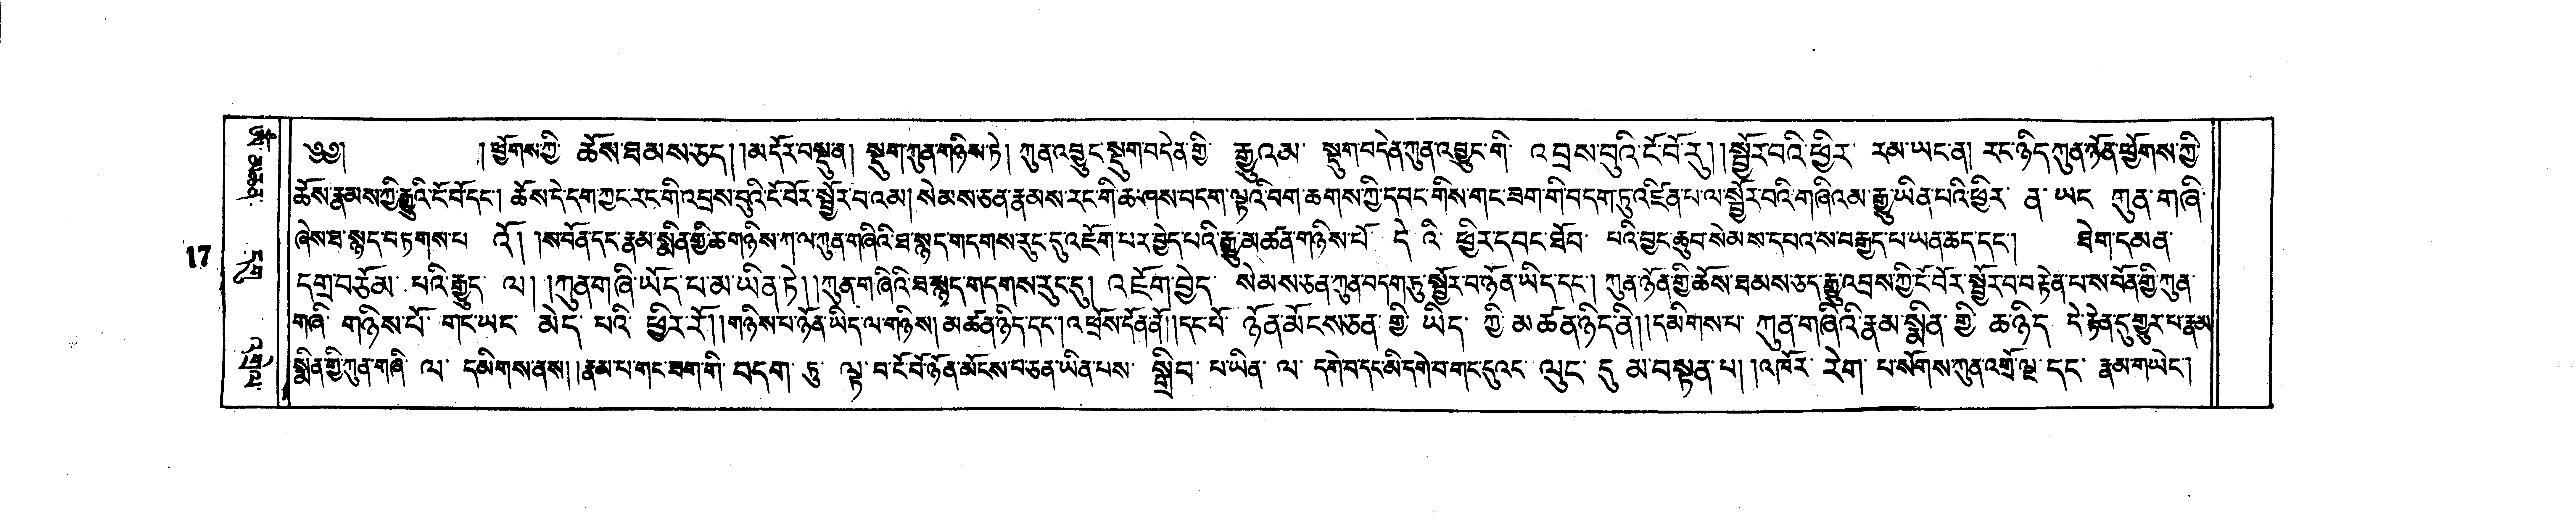༄༅། །ཕྱོགས་ཀྱི་ཆོས་ཐམས་ཅད། །མདོར་བསྡུ་ན། སྡུག་ཀུན་གཉིས་ཏེ། ཀུན་འབྱུང་སྡུག་བདེན་གྱི་རྒྱུ་འམ་སྡུག་བདེན་ཀུན་འབྱུང་གི་འབྲས་བུའི་ངོ་བོ་རུ། །སྦྱོར་བའི་ཕྱིར་རམ་ཡང་ན། རང་ཉིད་ཀུན་ཉོན་ཕྱོགས་ཀྱི་
ཆོས་རྣམས་ཀྱི་རྒྱུའི་ངོ་བོ་དང་། ཆོས་དེ་དག་ཀྱང་རང་གི་འབྲས་བུའི་ངོ་བོར་སྦྱོར་བའམ། སེམས་ཅན་རྣམས་རང་གི་ཆ་ཤས་བདག་ལྟའི་བག་ཆགས་ཀྱི་དབང་གིས་གང་ཟག་གི་བདག་ཏུ་འཛིན་པ་ལ་སྦྱོར་བའི་གཞིའམ་རྒྱུ་ཡིན་པའི་ཕྱིར་ན་ཡང་ཀུན་གཞི་
ཞེས་ཐ་སྙད་བཏགས་པ་འོ། །ས་བོན་དང་རྣམ་སྨིན་གྱི་ཆ་གཉིས་ཀ་ལ་ཀུན་གཞིའི་ཐ་སྙད་གདགས་རུང་དུ་འཇོག་པར་བྱེད་པའི་རྒྱུ་མཚན་གཉིས་པོ་དེའི་ཕྱིར་དབང་ཐོབ་པའི་བྱང་ཆུབ་སེམས་དཔའ་ས་བརྒྱད་པ་ཡན་ཆད་དང་། ཐེག་དམན་
དགྲ་བཅོམ་པའི་རྒྱུད་ལ། །ཀུན་གཞི་ཡོད་པ་མ་ཡིན་ཏེ། །ཀུན་གཞིའི་ཐ་སྙད་གདགས་རུང་དུ། འཇོག་བྱེད་སེམས་ཅན་ཀུན་བདག་ཏུ་སྦྱོར་བ་ཉོན་ཡིད་དང་། ཀུན་ཉོན་གྱི་ཆོས་ཐམས་ཅད་རྒྱུ་འབྲས་ཀྱི་ངོ་བོར་སྦྱོར་བ་བརྟེན་པ་ས་བོན་གྱི་ཀུན་
གཞི་གཉིས་པོ་གང་ཡང་མེད་པའི་ཕྱིར་རོ། །གཉིས་པ་ཉོན་ཡིད་ལ་གཉིས། མཚན་ཉིད་དང་། འཕྲོས་དོན་ནོ། །དང་པོ་ཉོན་མོངས་ཅན་གྱི་ཡིད་ཀྱི་མཚན་ཉིད་ནི། །དམིགས་པ་ཀུན་གཞིའི་རྣམ་སྨིན་གྱི་ཆ་ཉིད་དེ་རྟེན་དུ་གྱུར་པ་རྣམ་
སྨིན་གྱི་ཀུན་གཞི་ལ་དམིགས་ནས། །རྣམ་པ་གང་ཟག་གི་བདག་ཏུ་ལྟ་བ་ངོ་བོ་ཉོན་མོངས་པ་ཅན་ཡིན་པས་སྒྲིབ་པ་ཡིན་ལ་དགེ་བ་དང་མི་དགེ་བ་གང་དུའང་ལུང་དུ་མ་བསྟན་པ། །འཁོར་རེག་པ་སོགས་ཀུན་འགྲོ་ལྔ་དང་རྣམ་གཡེང་།